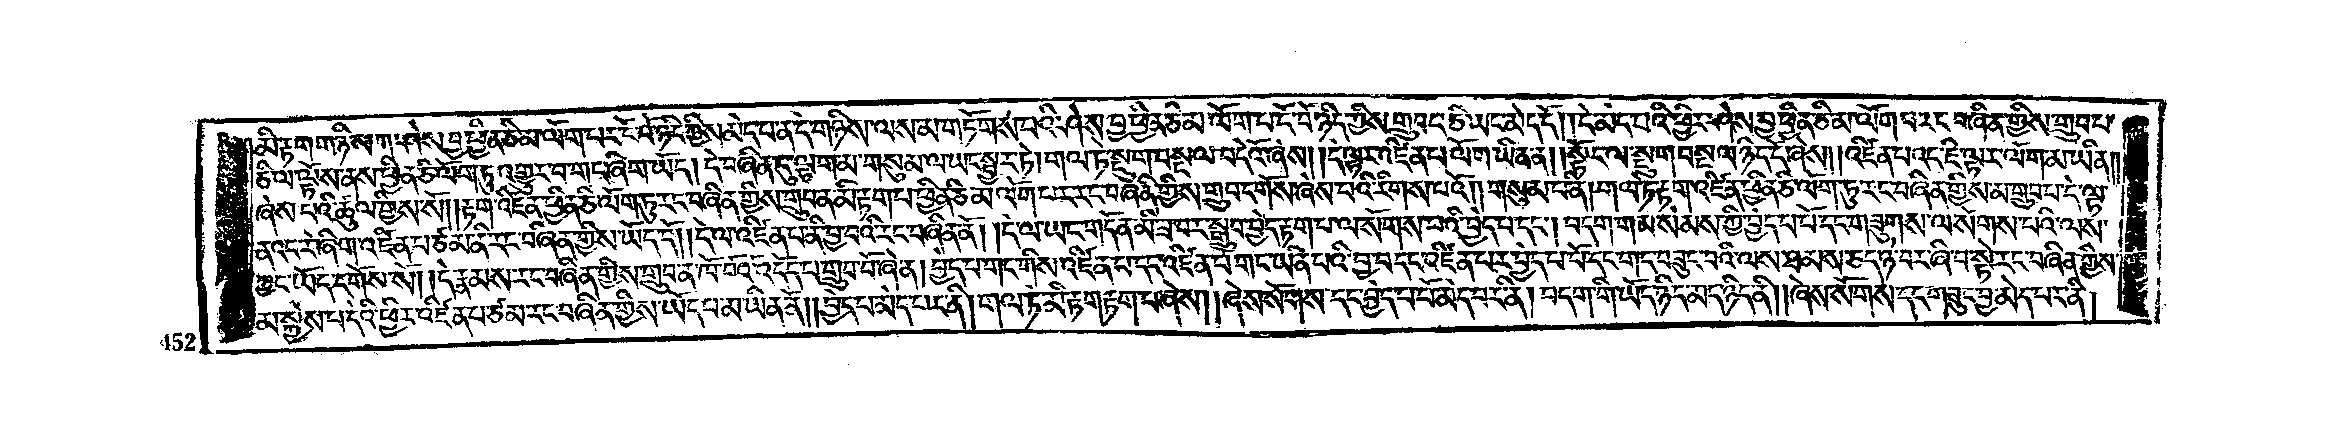མི་རྟག་གཉིས་ཀ་ཤེས་བྱ་ཕྱིན་ཅི་མ་ལོག་པར་ངོ་བོ་ཉིད་ཀྱིས་མེད་པ་ན་དེ་གཉིས་ལས་མ་གཏོགས་པའི་ཤེས་བྱ་ཕྱིན་ཅི་མ་ལོག་པ་ངོ་བོ་ཉིད་ཀྱིས་གྲུབ་པ་ཅི་ཡང་མེད་དོ། །དེ་མེད་པའི་ཕྱིར་ཤེས་བྱ་ཕྱིན་ཅི་མ་ལོག་པ་རང་བཞིན་གྱིས་གྲུབ་པ་
ཅི་ལ་ལྟོས་ནས་ཕྱིན་ཅི་ལོག་ཏུ་འགྱུར་བ་གང་ཞིག་ཡོད། དེ་བཞིན་དུ་ལྷག་མ་གསུམ་ལ་ཡང་སྦྱར་ཏེ། གལ་ཏེ་སྡུག་བསྔལ་བདེའོ་ཞེས། །དེ་ལྟར་འཇིན་པ་ལོག་ཡིན་ན། །སྟོང་ལ་སྡུག་བསྔལ་ཉིད་དོ་ཞེས། །འཛིན་པའང་ཇི་ལྟར་ལོག་མ་ཡིན། །
ཞེས་པའི་ཚུལ་གྱིས་སོ། །རྟག་འཛིན་ཕྱིན་ཅི་ལོག་ཏུ་རང་བཞིན་གྱིས་གྲུབ་ན་མི་རྟག་པ་ཕྱིན་ཅི་མ་ལོག་པར་རང་བཞིན་གྱིས་གྲུབ་དགོས་ཞེས་པའི་རིགས་པའོ། །གསུམ་པ་ནི། གལ་ཏེ་རྟག་འཛིན་ཕྱིན་ཅི་ལོག་ཏུ་རང་བཞིན་གྱིས་མ་གྲུབ་པ་དེ་ལྟ་
ནའང་རེ་ཞིག་འཛིན་པ་ཙམ་ནི་རང་བཞིན་གྱིས་ཡོད་དོ། །དེ་ལ་འཛིན་པ་ནི་བྱ་བའི་རང་བཞིན་ནོ། །དེ་ལ་ཡང་གདོན་མི་ཟ་བར་སྒྲུབ་བྱེད་རྟག་པ་ལ་སོགས་པའི་བྱེད་པ་དང་། བདག་གམ་སེམས་ཀྱི་བྱེད་པ་པོ་དང་གཟུགས་ལ་སོགས་པའི་ལས་
ཀྱང་ཡོད་དགོས་སོ། །དེ་རྣམས་རང་བཞིན་གྱིས་གྲུབ་ན་ཁོ་བོའི་འདོད་པ་གྲུབ་བོ་ཞེ་ན། བྱེད་པ་གང་གིས་འཛིན་པ་དང་འཛིན་པ་གང་ཡིན་པའི་བྱ་བ་དང་འཛིན་པར་བྱེད་པ་པོ་དང་གང་བཟུང་བའི་ལས་ཐམས་ཅད་ཉེ་བར་ཞི་བ་སྟེ་རང་བཞིན་གྱིས་
མ་སྐྱེས་པ་དེའི་ཕྱིར་འཛིན་པ་ཙམ་རང་བཞིན་གྱིས་ཡོད་པ་མ་ཡིན་ནོ། །བྱེད་པ་མེད་པར་ནི། གལ་ཏེ་མི་རྟག་རྟག་པ་ཞེས། །ཞེས་སོགས་དང་བྱེད་པ་པོ་མེད་པར་ནི། བདག་གི་ཡོད་ཉིད་མེད་ཉིད་ནི། །ཞེས་སོགས་དང་གཟུང་བྱ་མེད་པར་ནི།